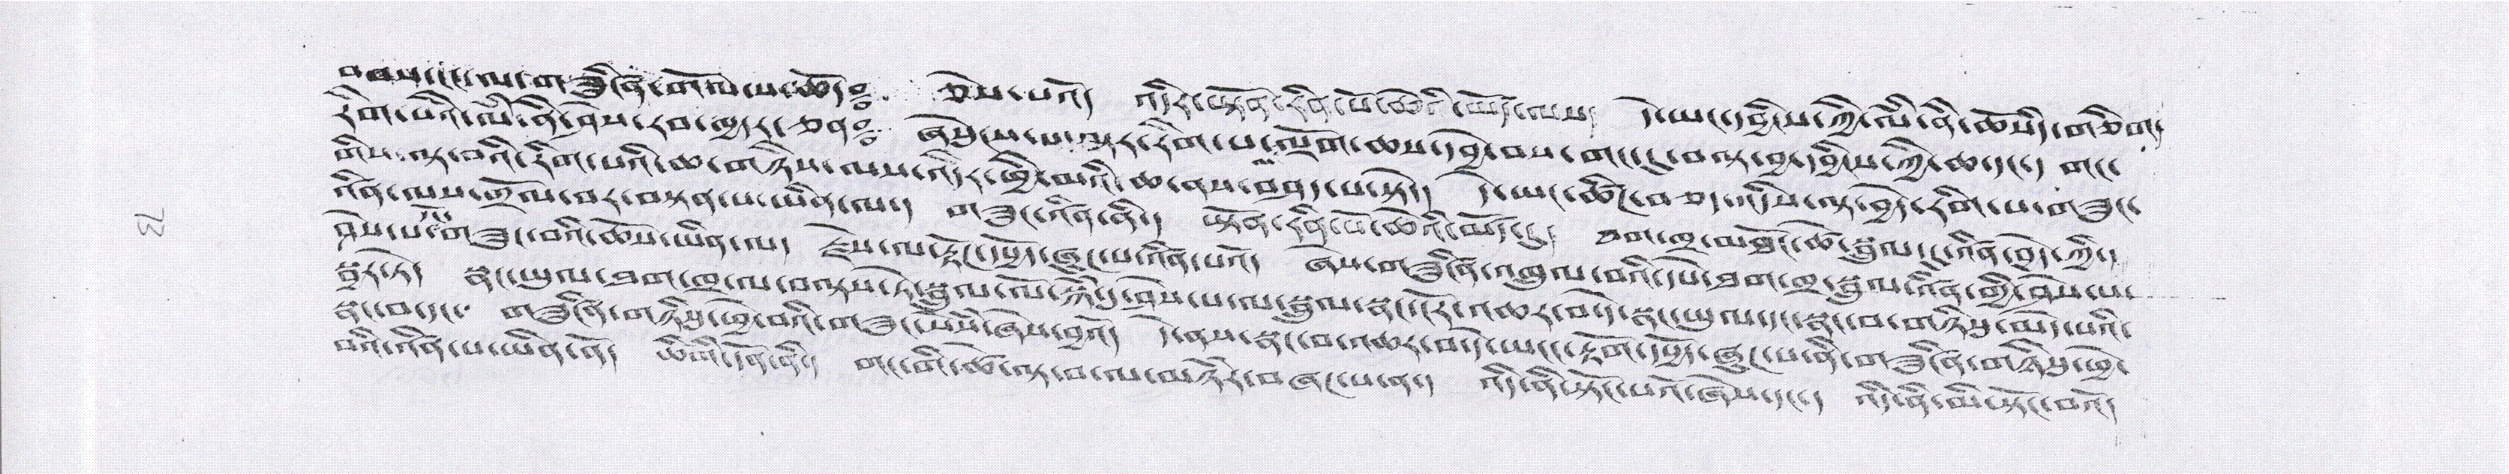བབས་ངང་ལ་གཟུང་འཛིན་གོལ་ས་ཆོདཿ ཅེས་པའོ། འདིར་ཡོན་ཏན་རིན་པོ་ཆེའི་མཛོད་ལས། དེ་ཡང་དབྱིངས་ཀྱི་ལམ་ནི་ཆོས་ཉིད་གཅིགཿ 
རིག་པའི་ལམ་ནི་ཤེས་རབ་ཁྱད་པར་ཅནཿ ཞེས་གསུངས་པ་ལྟར་རིག་པ་ལྡོག་ཆས་དབྱེ་བ་གང་དུ་བལྟ་བ་དབྱིངས་ཀྱི་ཆ་དང་། གང་
གིས་ལྟ་བའི་རིག་པའི་ཆ་གཉིས་འདིར་ཕྱི་མའི་ཆ་ནས་བཤད་པ་སྟེ། དེ་ཡང་ཚིགས་བཅད་འདིས་ལྟ་བྱེད་རིག་པ་གཟུང་
འཛིན་ལས་གྲོལ་བར་བསྟན་པ་ཡིན་ལ། གཟུང་འཛིན་ནི། ཡོན་ཏན་རིན་པོ་ཆེའི་མཛོད་དུ། ཐག་ཁྲ་མཐོང་ཚེ་སྦྲུལ་དུ་འཛིན་བྱེད་ཀྱི
ཤེས་པ་དང་པོ་གཟུང་བའི་ཆོས་ཡིན་ལ། རྗེས་ལ་རྟོག་དཔྱོད་ཞུགས་པ་འཛིན་པའོ། ཞེས་གཟུང་འཛིན་འཁྲུལ་པའི་དཔེ་ཐག་ཁྲ་སྦྲུལ་འཛིན་གྱི་ཤེས་པ་
སྦྱར་ཏེ། སྣང་ཡུལ་ཐག་ཁྲ་ལ་བལྟས་ཏེ་སྦྲུལ་ལོ་སྙམ་དུ་ཤེས་པ་ལ་སྦྲུལ་སྣང་ངོར་འཆར་བ་དེ་སྣང་ཡུལ་དང་སྣང་བ་གཉིས་སུ་མེད་པའི་
སྣང་བ་དང་། གཟུང་འཛིན་གཉིས་སུ་ཕྱེ་བའི་གཟུང་སེམས་ཞེས་བྱའོ། དེ་ནས་སྣང་བ་འཆར་བ་དེ་ཡང་ཡང་རྟོག་དཔྱོད་ཞུགས་པ་ནི་གཟུང་འཛིན་གཉིས་སུ་ཕྱེ་
བའི་འཛིན་པ་ཡིན་ནོ། ཚིག་གི་དོན་ནི། གང་གི་ཚེ་ལྟ་བ་ལ་མཉམ་པར་བཞག་པ་ན། འདི་ནི་སྟོང་པའོ་ཞེས་དང་། འདི་ནི་མི་སྟོང་པའོ།